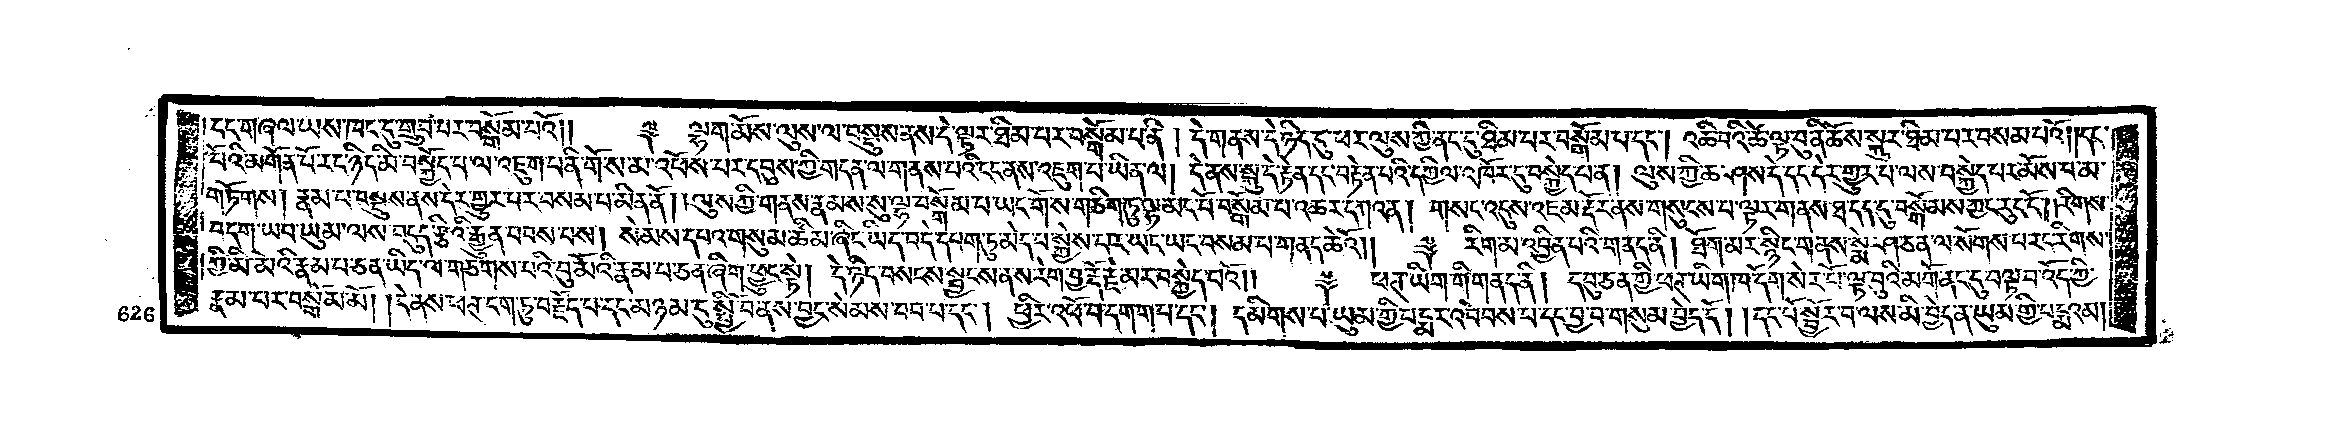དང་གཞལ་ཡས་ཁང་དུ་གྲུབ་པར་བསྒོམ་པའོ།། ༈ ལྷག་མོས་ལུས་ལ་བསྡུས་ནས་དེ་ལྟར་ཐིམ་པར་བསྒོམ་པ་ནི། དེ་གནས་དེ་ཉིད་དུ་ཕར་ལུས་ཀྱི་ནང་དུ་ཐིམ་པར་བསྒོམ་པ་དང་། འཆི་བའི་ཚེ་ལྟ་བུ་ནི་ཆོས་སྐུར་ཐིམ་པར་བསམ་པའོ། །དང་
པོའི་མགོན་པོ་རང་ཉིད་མི་བསྐྱོད་པ་ལ་འཇུག་པ་ནི་གོ་ས་མ་འཕོས་པར་དབུས་ཀྱི་གདན་ལ་གནས་པའི་ངང་ནས་འཇུག་པ་ཡིན་ལ། དེ་ནས་སྐུ་དེ་རྟེན་དང་བརྟེན་པའི་དཀྱིལ་འཁོར་དུ་བསྐྱེད་པ་ནི། ལུས་ཀྱི་ཆ་ཤས་དེ་དང་དེར་གྱུར་པ་ལས་བསྐྱེད་པར་མོས་པ་མ་
གཏོགས། རྣམ་པ་བསྡུས་ནས་དེར་གྱུར་པར་བསམ་པ་མིན་ནོ། །ལུས་ཀྱི་གནས་རྣམས་སུ་ལྷ་བསྒོམ་པ་ཡང་གོས་གཅིག་ཏུ་ལྷ་མང་པོ་བསྒོམ་པ་འཆར་དཀའ་ན། གསང་འདུས་འཇམ་རྡོར་ནས་གསུངས་པ་ལྟར་གནས་ཐ་དད་དུ་བསྒོམས་ཀྱང་རུང་ངོ། །རིགས་
བདག་ཡབ་ཡུམ་ལས་བདུད་རྩིའི་རྒྱུན་བབས་པས། སེམས་དཔའ་གསུམ་ཚིམ་ཞིང་ཡིད་བདེ་དཔག་ཏུ་མེད་པ་སྐྱེས་པར་ཡང་ཡང་བསམ་པ་གནད་ཆེའོ།། ༈ རིག་མ་འབྱིན་པའི་གནད་ནི། ཐེག་མར་སྙིང་གནས་སྨེ་ཤ་ཅན་ལ་སོགས་པ་རང་རིགས་
ཀྱི་མི་མོའི་རྣམ་པ་ཅན་ཡིད་ལ་གཅགས་པའི་བུ་མོའི་རྣམ་པ་ཅན་ཞིག་ཕྱུང་སྟེ། དེ་ཉིད་བསངས་སྦྱངས་ནས་རེག་བྱ་རྡོ་རྗེ་མར་བསྐྱེད་པའོ།། ༈ ཕཊ་ཡིག་གི་གནད་ནི། དབུ་ཅན་གྱི་ཕཊ་ཡིག་ཁ་དོག་སེར་པོ་ལྟ་བུའི་མགོ་ནང་དུ་བལྟ་བ་འོད་ཀྱི་
རྣམ་པར་བསྒོམ་མོ། །དེ་ནས་ཕཊ་ངག་ཏུ་བརྗོད་པ་དང་མཉམ་དུ་སྤྱི་བོ་ནས་བྱང་སེམས་བབ་པ་དང་། ཕྱིར་འཕོ་བ་དགག་པ་དང་། དམིགས་པ་ཡུམ་གྱི་པདམར་འབེབས་པ་དང་བྱ་བ་གསུམ་བྱེད་དོ། །དང་པོ་སྦྱོར་བ་ལས་མི་བྱེད་ན་ཡུམ་གྱི་པདམའམ་